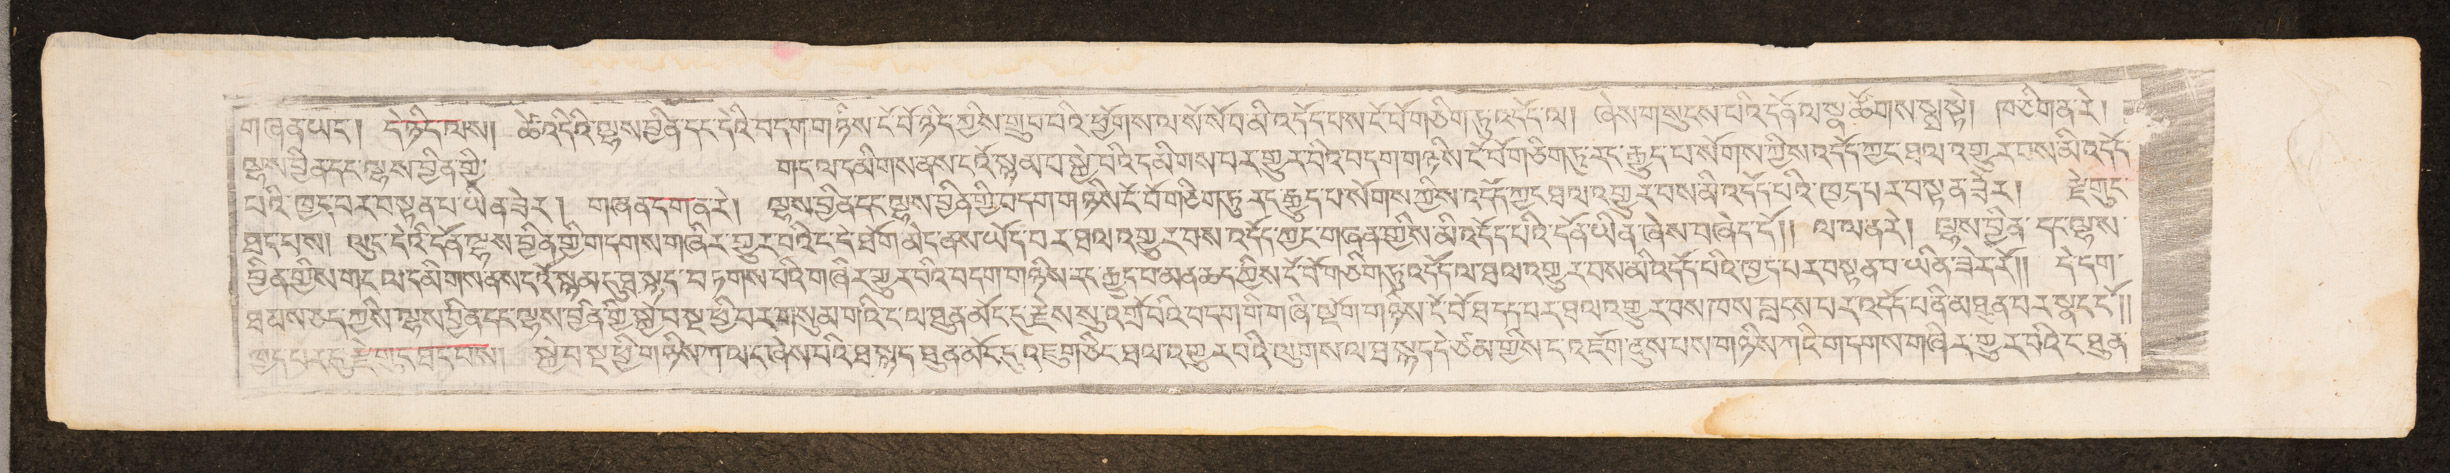གཞན་ཡང་། དེ་ཉིད་ལས། ཚེ་འདིའི་ལྷས་བྱིན་དང་དེའི་བདག་གཉིས་ངོ་བོ་ཉིད་ཀྱིས་གྲུབ་པའི་ཕྱོགས་ལ་སོ་སོ་བ་མི་འདོད་པས་ངོ་བོ་གཅིག་ཏུ་འདོད་ལ། ཞེས་གསུངས་པའི་དོན་ལ་སྣ་ཚོགས་སྨྲ་སྟེ། ཁ་ཅིག་ན་རེ།།
ལྷས་བྱིན་དང་ལྷས་བྱིན་གྱི་གང་ལ་དམིགས་ནས་ངའོ་སྙམ་པ་སྐྱེ་བའི་དམིགས་པར་གྱུར་པའི་བདག་གཉིས་ངོ་བོ་གཅིག་ཏུ་རང་རྒྱུད་པ་སོགས་ཀྱིས་འདོད་ཀྱང་ཐལ་འགྱུར་བས་མི་འདོད་
པའི་ཁྱད་པར་བསྟན་པ་ཡིན་ཟེར། གཞན་དག་ན་རེ། ལྷས་བྱིན་དང་ལྷས་བྱིན་གྱི་བདག་གཉིས་ངོ་བོ་གཅིག་ཏུ་རང་རྒྱུད་པ་སོགས་ཀྱིས་འདོད་ཀྱང་ཐལ་འགྱུར་བས་མི་འདོད་པའི་ཁྱད་པར་བསྟན་ཟེར། རྗེ་གུང་
ཐང་པས། ལུང་དེའི་དོན་ལྷས་བྱིན་གྱི་གདགས་གཞིར་གྱུར་པའི་ང་དེ་ཐོག་མེད་ནས་ཡོད་པར་ཐལ་འགྱུར་བས་འདོད་ཀྱང་གཞན་གྱིས་མི་འདོད་པའི་དོན་ཡིན་ཞེས་བཞེད་དོ། །ལ་ལ་ན་རེ། ལྷས་བྱིན་དང་ལྷས་
བྱིན་གྱིས་གང་ལ་དམིགས་ན་ས་ངའོ་སྙམ་དུ་ཐ་སྙད་བཏགས་པའི་གཞིར་གྱུར་བའི་བདག་གཉིས་རང་རྒྱུད་པ་མན་ཆད་ཀྱིས་ངོ་བོ་གཅིག་ཏུ་འདོད་ལ་ཐལ་འགྱུར་བས་མི་འདོད་པའི་ཁྱད་པར་བསྟན་པ་ཡིན་ཟེར་རོ།། དེ་དག་
ཐམས་ཅད་ཀྱིས་ཁས་བྱིན་དང་ལྷས་བྱིན་གྱིས་སྐྱེ་བ་སྔ་ཕྱི་བར་གསུམ་གའི་ལ་ཐུན་མོང་དུ་རྗེས་སུ་འགྲོ་བའི་བདག་གཞི་ལྡོག་གཉིས་ངོ་བོ་ཐ་དད་པར་ཐལ་འགྱུར་བས་ཁས་བླངས་པར་འདོད་པ་ནི་མཐུན་པར་སྣང་ངོ།།
ཁྱད་པར་དུ་རྗེས་གུང་ཐང་པས། སྐྱེ་བ་སྔ་ཕྱི་གཉིས་ཀ་ལང་ཞེས་པའི་ཐ་སྙད་ཐུན་མོང་དུ་འཇུག་ཅིང་ཐལ་འགྱུར་བའི་ལུགས་ལ་ཐ་སྙད་དེ་ཙམ་གྱིས་ང་འཇོག་ནུས་པས་གཉིས་ཀའི་གདགས་གཞིར་གྱུར་བའི་ང་ཐུན་